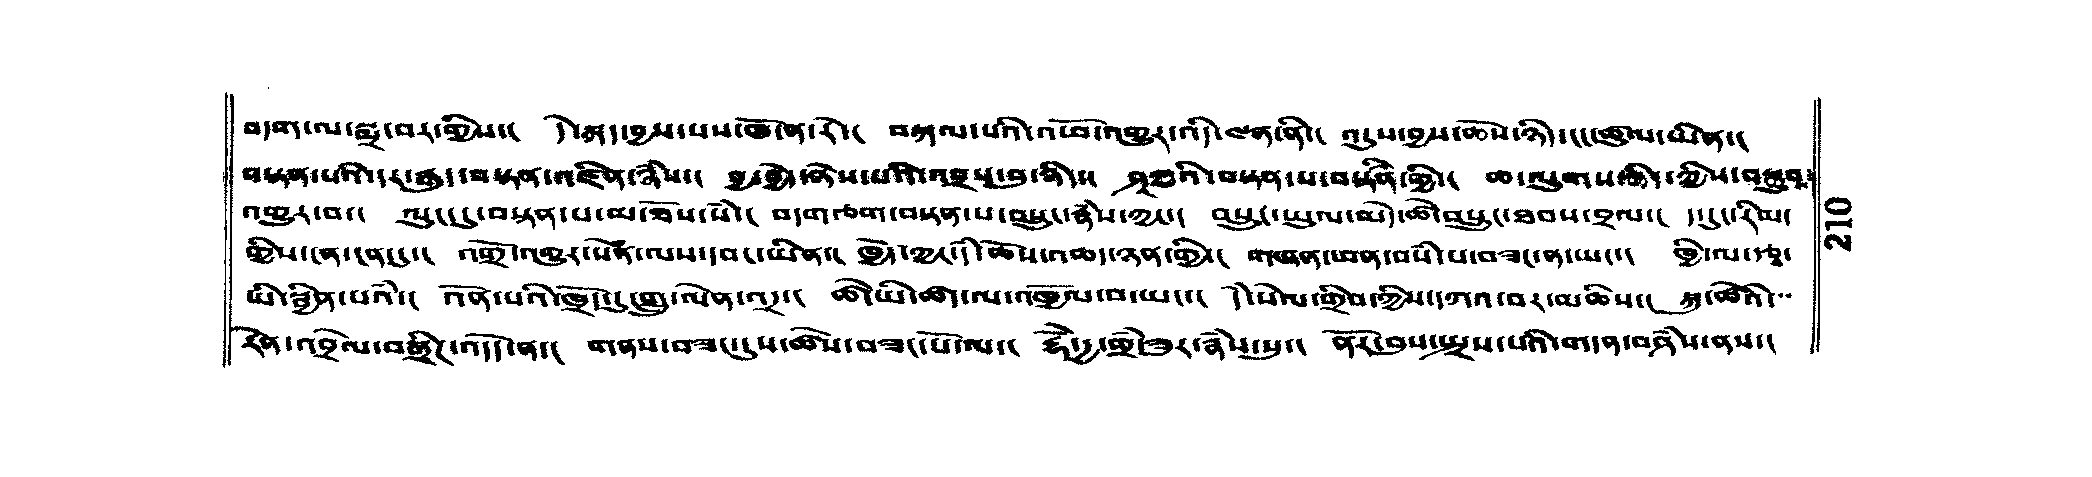བདག་ལ་སྨྲ་བར་གྱིས། །དེ་སྐད་བྱས་པས་ཁོ་ན་རེ། །བསྐལ་པའི་འཕོ་འགྱུར་འདི་བཞིན་ནི། །འདུས་བྱས་ཆོས་ཉིད་ངང་ཚུལ་ཡིན། །
བསྟན་པའི་དར་རྒུད་བསྟན་འཛིན་རྣམས། །བྱ་བྱེད་ཉེས་པའི་འབྲས་བུ་ཉིད། །ཤཱཀྱའི་བསྟན་པ་བསྟན་འཛིན་གྱི། །ཆ་ལུགས་ཉིད་ཀྱིས་བསྣུབས་
འགྱུར་བ། །ལུང་དུ་བསྟན་པ་མ་ཐོས་སམ། །བདག་ཅག་བསྟན་པ་བསྲུང་རྣམས་ཀྱང་། །བསྲུང་ཡུལ་མེད་ཚེ་བསྲུང་ཐབས་བྲལ། །ད་དུང་རིམ་
གྱིས་ངན་ངན་དུ། །འགྲོ་འགྱུར་སེམས་ཅན་ལས་དབང་ཡིན། །ཁྱོད་ཀྱང་དམ་ཆོས་འཆད་ཉན་གྱི། །གཞན་ཕན་བསམ་པ་བཟང་ན་ཡང་། །ཁྱི་ལ་རྩྭ་
ཡི་སྦྱིན་པའམ། །འོན་པའི་ཁྲོད་དུ་གླུ་ལེན་འདྲ། །ཚེ་ཡི་ཚད་ལ་འཁྱོལ་བ་ཡང་། །དམ་སེལ་གྲིབ་ཀྱིས་དཀའ་བར་མཆིས། །སྐུ་ཚེའི་
རྟེན་འབྲེལ་བསྒྲིག་འདོད་ན། །གནས་བཟང་དུས་ཚེས་བཟང་པོ་ལ། །རྡོ་རྗེ་རྒྱ་གྲམ་ཟུར་རྣམས་སུ། །ནོར་བུས་སྤྲས་པའི་གདན་བཤམས་ནས།